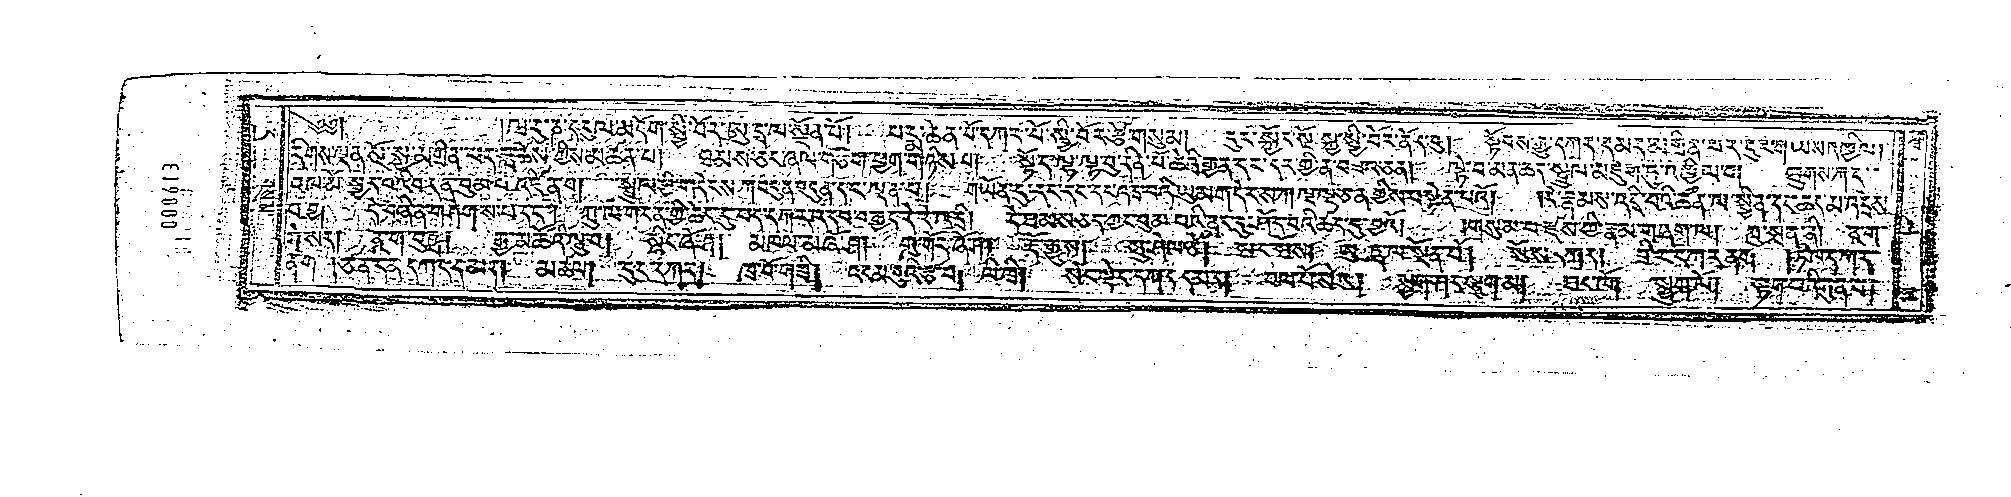༄༅། །ཝ་རུ་ཎ་དངུལ་མདོག་སྤྱི་བོར་ཨུདཔ་ལ་སྔོན་པོ། པདམ་ཆེན་པོ་དཀར་པོ་སྤྱི་བོར་རྩེ་གསུམ། དུང་སྐྱོང་སྡོ་སྐྱ་སྤྱི་བོར་ནོར་བུ། སྟོབས་རྒྱུ་དཀར་དམར་མགྲིན་པར་དུང་གཡས་འཁྱིལ།
རིགས་ལྡན་སྔོ་སྐྱ་མགྲིན་པར་ཟླ་ཚེས་ཀྱིས་མཚན་པ། ཐམས་ཅད་ཞལ་གཅིག་ཕྱག་གཉིས་པ། སྟོང་ལྷ་ལྷ་བུ་རིན་པོ་ཆེའི་རྒྱན་དང་དར་གྱི་ན་བཟའ་ཅན། ལྟེ་བ་མན་ཆད་སྦྲུལ་མཇུག་ཏུ་འཁྱིལ་བ། ཐུགས་ཀང་
བལ་མོ་སྦྱར་བའི་བར་ན་བུམ་པ་འཛིན་པ། སྦྲུལ་གྱི་གདེངས་ཀ་བདུན་བདུན་དང་ལྡན་པ། གཡོན་དུ་རང་རང་དང་འདྲ་བའི་ཡུམ་གདེངས་ཀ་ལྔ་ལྔ་ཅན་གྱིས་བསྟེན་པའོ། །དེ་རྣམས་འདྲི་བའི་ཚོན་ལ་སྤྱིན་དང་ཆང་མ་འདྲེས་
པ་བྱ། དེ་བཞིན་གཤེགས་པ་དང་། ཀླུ་ལ་གདན་གྱི་ཆེད་དུ་པད་དཀར་འདབ་བརྒྱད་རེ་རེ་འདྲི། དེ་ཐམས་ཅད་ཀྱང་བུམ་པའི་ནང་དུ་ཤོད་བའི་ཚད་དུ་བྱའོ། །གསུམ་པ་རྫས་ཀྱི་རྣམ་གཞག་ལ། ཀླུ་སྨན་ནི། ནཱ་ག་
གསེར། ནཱ་ག་བུཥྤ། རྒྱ་མཚོའི་ལྦུ་བ། སྙིང་ཞོ་ཤ། མཁལ་མ་ཞོ་ཤ། གླ་གོང་ཞོ་ཤ། རྡོ་རྒྱུས། སྤུ་ཤེལ་ཙེ། སྤང་སྤོས། ཨུཏྤ་ལ་སྔོན་པོ། སྤོས་དཀར། ཟིར་དཀར་ནག །ཏིལ་དཀར་
ནག །ཙན་དན་དཀར་དམར། མཚལ། དུང་དཀར། ཁྲོ་བོ་གཟི། འྔམ་བུའི་རྩ་བ། ལི་ཁྲི། སེང་ལྡེང་དཀར་དམར། བལ་པོ་སེའུ། སྨྱག་ཤད་ལྕུག་མ། ཐང་ལོ། སྨྱུག་ལོ། སྟག་པའི་ཤུན་པ།